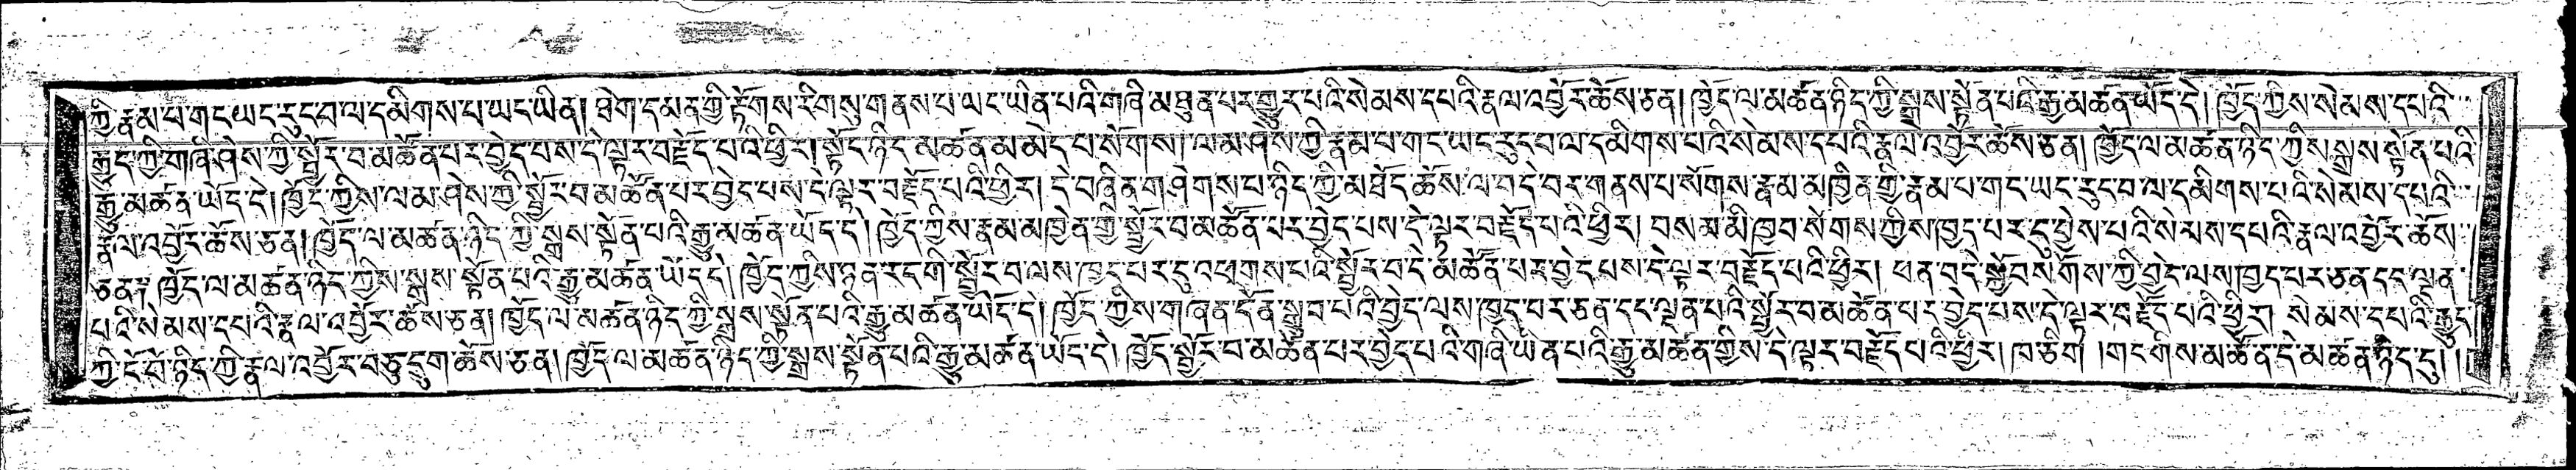ཀྱི་རྣམ་པ་གང་ཡང་རུང་བ་ལ་དམིགས་པ་ཡང་ཡིན། ཐེག་དམན་གྱི་རྟོགས་རིགས་སུ་གནས་པ་ཡང་ཡིན་པའི་གཞི་མཐུན་པར་གྱུར་པའི་སེམས་དཔའི་རྣལ་འབྱོར་ཆོས་ཅན། ཁྱོད་ལ་མཚན་ཉིད་ཀྱི་སྒྲས་སྟོན་པའི་རྒྱུ་མཚན་ཡོད་དེ། ཁྱོད་ཀྱིས་སེམས་དཔའི་
རྒྱུད་ཀྱི་གཞི་ཤེས་ཀྱི་སྦྱོར་བ་མཚོན་པར་བྱེད་པས་དེ་ལྟར་བརྗོད་པའི་ཕྱིར། སྟོང་ཉིད་མཚན་མ་མེད་པ་སོགས། ལམ་ཤེས་ཀྱི་རྣམ་པ་གང་ཡང་རུང་བ་ལ་དམིགས་པའི་སེམས་དཔའི་རྣལ་འབྱོར་ཆོས་ཅན། ཁྱོད་ལ་མཚན་ཉིད་ཀྱིས་སྒྲས་སྟོན་པའི་
རྒྱུ་མཚན་ཡོད་དེ། ཁྱོད་ཀྱིས་ལམ་ཤེས་ཀྱི་སྦྱོར་བ་མཚོན་པར་བྱེད་པས་དེ་ལྟར་བརྗོད་པའི་ཕྱིར། དེ་བཞིན་གཤེགས་པ་ཉིད་ཀྱི་མཐོང་ཆོས་ལ་བདེ་བར་གནས་པ་སོགས་རྣམ་མཁྱེན་གྱི་རྣམ་པ་གང་ཡང་རུང་བ་ལ་དམིགས་པའི་སེམས་དཔའི་
རྣལ་འབྱོར་ཆོས་ཅན། ཁྱོད་ལ་མཚན་ཉིད་ཀྱི་སྒྲས་སྟོན་པའི་རྒྱུ་མཚན་ཡོད་དེ། ཁྱོད་ཀྱིས་རྣམ་མཁྱེན་གྱི་སྦྱོར་བ་མཚོན་པར་བྱེད་པས་དེ་ལྟར་བརྗོད་པའི་ཕྱིར། བསམ་མི་ཁྱབ་སོགས་ཀྱིས་ཁྱད་པར་དུ་བྱས་པའི་སེམས་དཔའི་རྣལ་འབྱོར་ཆོས་
ཅན༑ ཁྱོད་ལ་མཚན་ཉིད་ཀྱིས་སྒྲས་སྟོན་པའི་རྒྱུ་མཚན་ཡོད་དེ། ཁྱོད་ཀྱིས་ཉན་རང་གི་སྦྱོར་བ་ལས་ཁྱད་པར་དུ་འཕགས་པའི་སྦྱོར་བ་དེ་མཚོན་པར་བྱེད་པས་དེ་ལྟར་བརྗོད་པའི་ཕྱིར། ཕན་བདེ་སྐྱོབ་སོགས་ཀྱི་བྱེད་ལས་ཁྱད་པར་ཅན་དང་ལྡན་
པའི་སེམས་དཔའི་རྣལ་འབྱོར་ཆོས་ཅན། ཁྱོད་ལ་མཚན་ཉིད་ཀྱི་སྒྲས་སྟོན་པའི་རྒྱུ་མཚན་ཡོད་དེ། ཁྱོད་ཀྱིས་གཞན་དོན་སྒྲུབ་པའི་བྱེད་ལས་ཁྱད་པར་ཅན་དང་ལྡན་པའི་སྦྱོར་བ་མཚོན་པར་བྱེད་པས་དེ་ལྟར་བརྗོད་པའི་ཕྱིར། སེམས་དཔའི་རྒྱུད་
ཀྱི་ངོ་བོ་ཉིད་ཀྱི་རྣལ་འབྱོར་བཅུ་དྲུག་ཆོས་ཅན། ཁྱོད་ལ་མཚན་ཉིད་ཀྱི་སྒྲས་སྟོན་པའི་རྒྱུ་མཚན་ཡོད་དེ། ཁྱོད་སྦྱོར་བ་མཚན་པར་བྱེད་པའི་གཞི་ཡིན་པའི་རྒྱུ་མཚན་གྱིས་དེ་ལྟར་བརྗོད་པའི་ཕྱིར། ཁ་ཅིག། གང་གིས་མཚོན་དེ་མཚན་ཉིད་དུ།